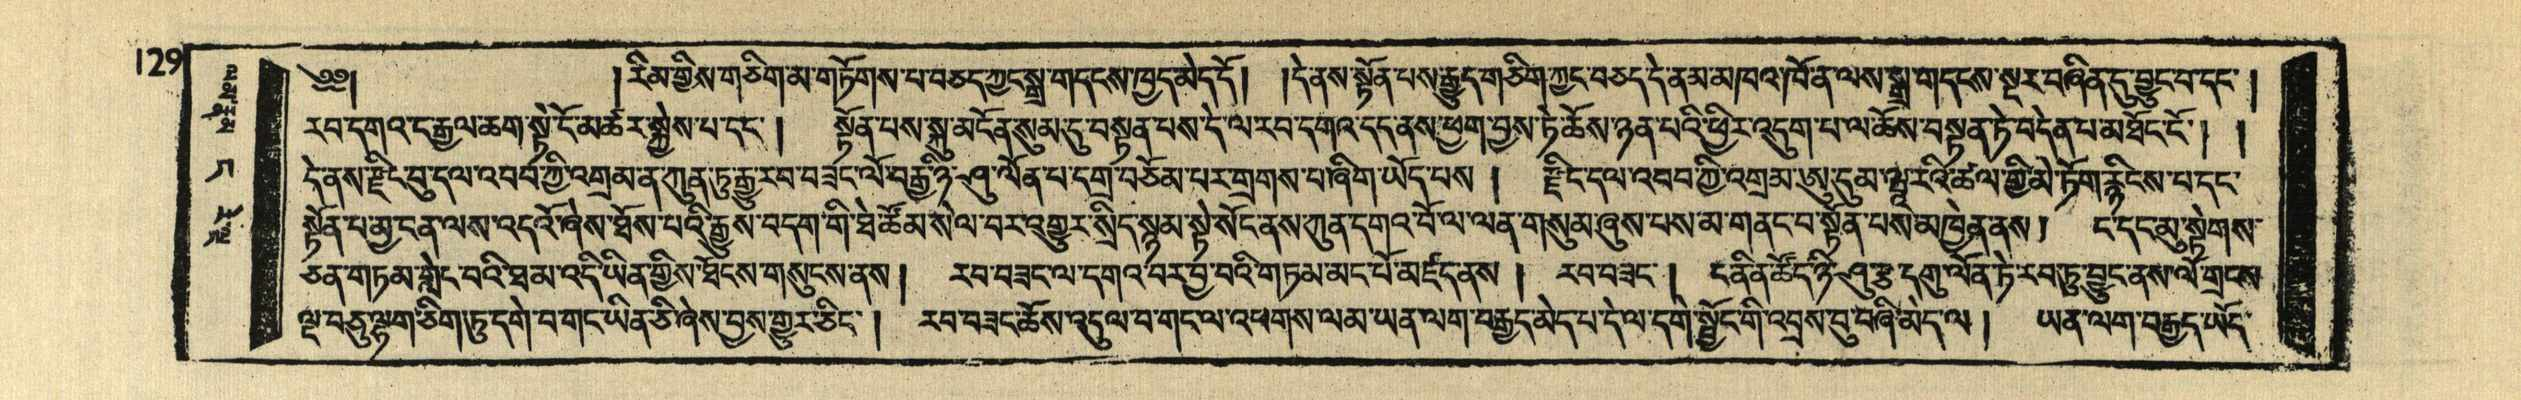༄༅། །རིམ་གྱིས་གཅིག་མ་གཏོགས་པ་བཅད་ཀྱང་སྒྲ་གདངས་ཁྱད་མེད་དོ། །དེ་ནས་སྟོན་པས་རྒྱུད་གཅིག་ཀྱང་བཅད་དེ་ནམ་མཁའ་ཁོ་ན་ལས་སྒྲ་གདངས་སྔར་བཞིན་དུ་བྱུང་བ་དང་།
རབ་དགའ་ང་རྒྱལ་ཆག་སྟེ་ངོ་མཚར་སྐྱེས་པ་དང་། སྟོན་པས་སྐུ་མངོན་སུམ་དུ་བསྟན་པས་དེ་ལ་རབ་དགའ་དད་ནས་ཕྱག་བྱས་ཏེ་ཆོས་ཉན་པའི་ཕྱིར་འདུག་པ་ལ་ཆོས་བསྟན་ཏེ་བདེན་པ་མཐོང་ངོ། །
དེ་ནས་རྫིང་བུ་དལ་འབབ་ཀྱི་འགྲམ་ན་ཀུན་ཏུ་རྒྱུ་རབ་བཟང་ལོ་བརྒྱ་ཉི་ཤུ་ལོན་པ་དགྲ་བཅོམ་པར་གྲགས་པ་ཞིག་ཡོད་པས། རྫིང་དལ་འབབ་ཀྱི་འགྲམ་ཨུ་དུམ་ཝཱ་རའི་ཚལ་གྱི་མེ་ཏོག་རྙིངས་པ་དང་
སྟོན་པ་མྱ་ངན་ལས་འདའོ་ཞེས་ཐོས་པའི་རྒྱུས་བདག་གི་ཐེ་ཚོམ་སེལ་བར་འགྱུར་སྲིད་སྙམ་སྟེ་སོང་ནས་ཀུན་དགའ་བོ་ལ་ལན་གསུམ་ཞུས་པས་མ་གནང་བ་སྟོན་པས་མཁྱེན་ནས། ང་དང་མུ་སྟེགས་
ཅན་གཏམ་གླེང་བའི་ཐ་མ་འདི་ཡིན་གྱིས་ཐོངས་གསུངས་ནས། རབ་བཟང་ལ་དགའ་བར་བྱ་བའི་གཏམ་མང་པོ་མཛད་ནས། རབ་བཟང་། ང་ནི་ན་ཚོད་ཉི་ཤུ་རྩ་དགུ་ལོན་ཏེ་རབ་ཏུ་བྱུང་ནས་ལོ་གྲངས་
ལྔ་བཅུ་ལྷག་ཅིག་ཏུ་དགེ་བ་གང་ཡིན་ཅི་ཞེས་བྱས་གྱུར་ཅིང་། རབ་བཟང་ཆོས་འདུལ་བ་གང་ལ་འཕགས་ལམ་ཡན་ལག་བརྒྱད་མེད་པ་དེ་ལ་དགེ་སྦྱོང་གི་འབྲས་བུ་བཞི་མེད་ལ། ཡན་ལག་བརྒྱད་ཡོད་